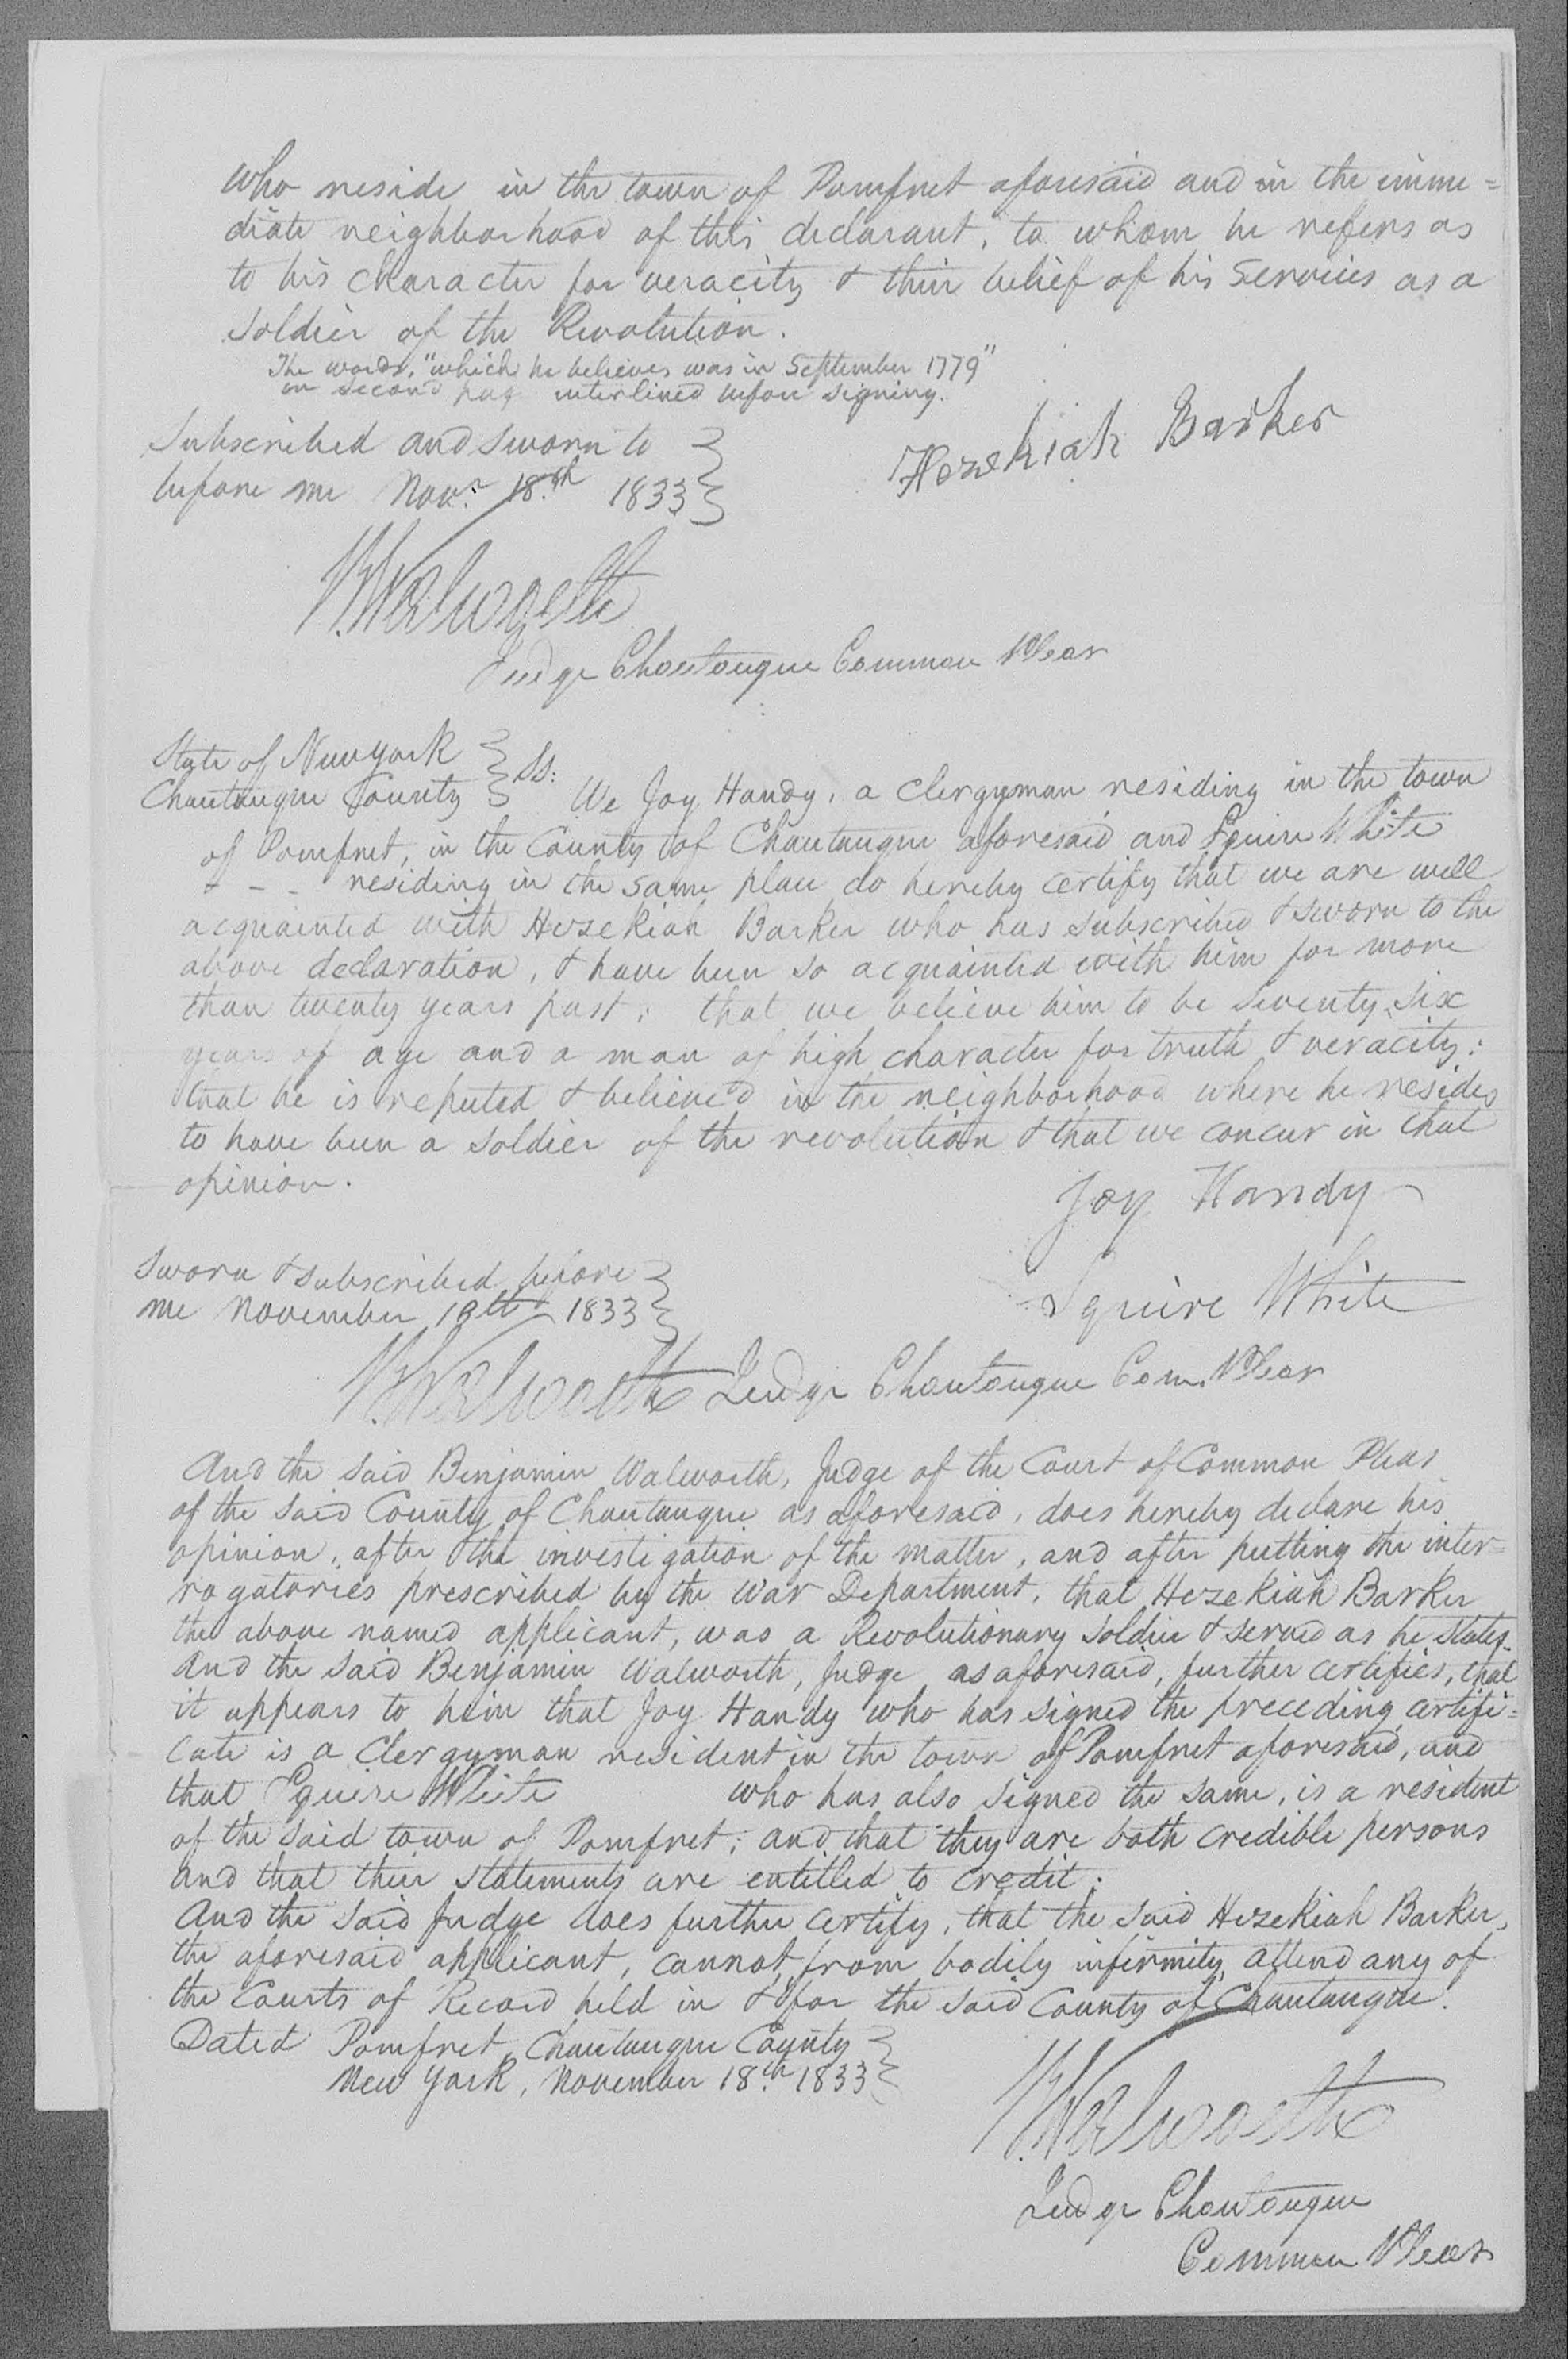who reside in the town of Pomfret aforesaid and in the immediate neighborhood of this declarant, to whom he refers as to his character for veracity & their belief of his services as a soldier of the Revolution.
The words “which he believes was in September 1779” in second page interlined before signing.
Hezekiah Barker
Subscribed and sworn to before me Nov. 18th 1833}
B. Walworth
Judge Chautauqua Common Pleas
State of New York
Chautauqua County} Ss.
We Joy Handy, a clergyman residing in the town of Pomfret, in the County of Chautauqua aforesaid and Squire White residing in the same place do hereby certify that we are well acquainted with Hezekiah Barker who has subscribed & sworn to the above declaration, & have been so acquainted with him for more than twenty years past: that we believe him to be seventy six years of age and a man of high character for truth & veracity: that he is reputed & believed in the neighborhood where he resides to have been a soldier of the revolution & that we concur in that opinion.
Joy Handy
Squire White
Sworn & subscribed before me November 18th 1833}
B. Walworth Judge Chautauqua Com. Pleas
And the said Benjamin Walworth, Judge of the Court of Common Pleas of the said County of Chautauqua as aforesaid, does hereby declare his opinion, after the investigation of the matter and after putting the interrogatories prescribed by the War Department, that Hezekiah Barker the above named applicant, was a Revolutionary soldier & served as he states. And the said Benjamin Walworth, Judge as aforesaid, further certifies, that it appears to him that Joy Handy who has signed the preceding certificate is a clergyman resident in the town of Pomfret aforesaid, and that Squire White who has also signed the same, is a resident of the said town of Pomfret, and that they are both credible persons and that their statements are entitled to credit.
And the said Judge does further certify, that the said Hezekiah Barker, the aforesaid applicant, cannot from bodily infirmity, attend any of the Courts of Record held in & for the said County of Chautauqua.
Dated Pomfret, Chautauqua County New York, November 18th, 1833}
B. Walworth
Judge Chautauqua Common Pleas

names: Hezekiah Barker, Hezekiah Barker, Benjamin Walworth, Squire White, B Walworth, Joy Handy, Benjamin Walworth, Hezekiah Barker, B Walworth, Hezekiah Barker, Joy Handy, B Walworth, Joy Handy, Squire White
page: 17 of 52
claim: widow's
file: W. 18,565, Hezekiah Barker, Continental R.I.